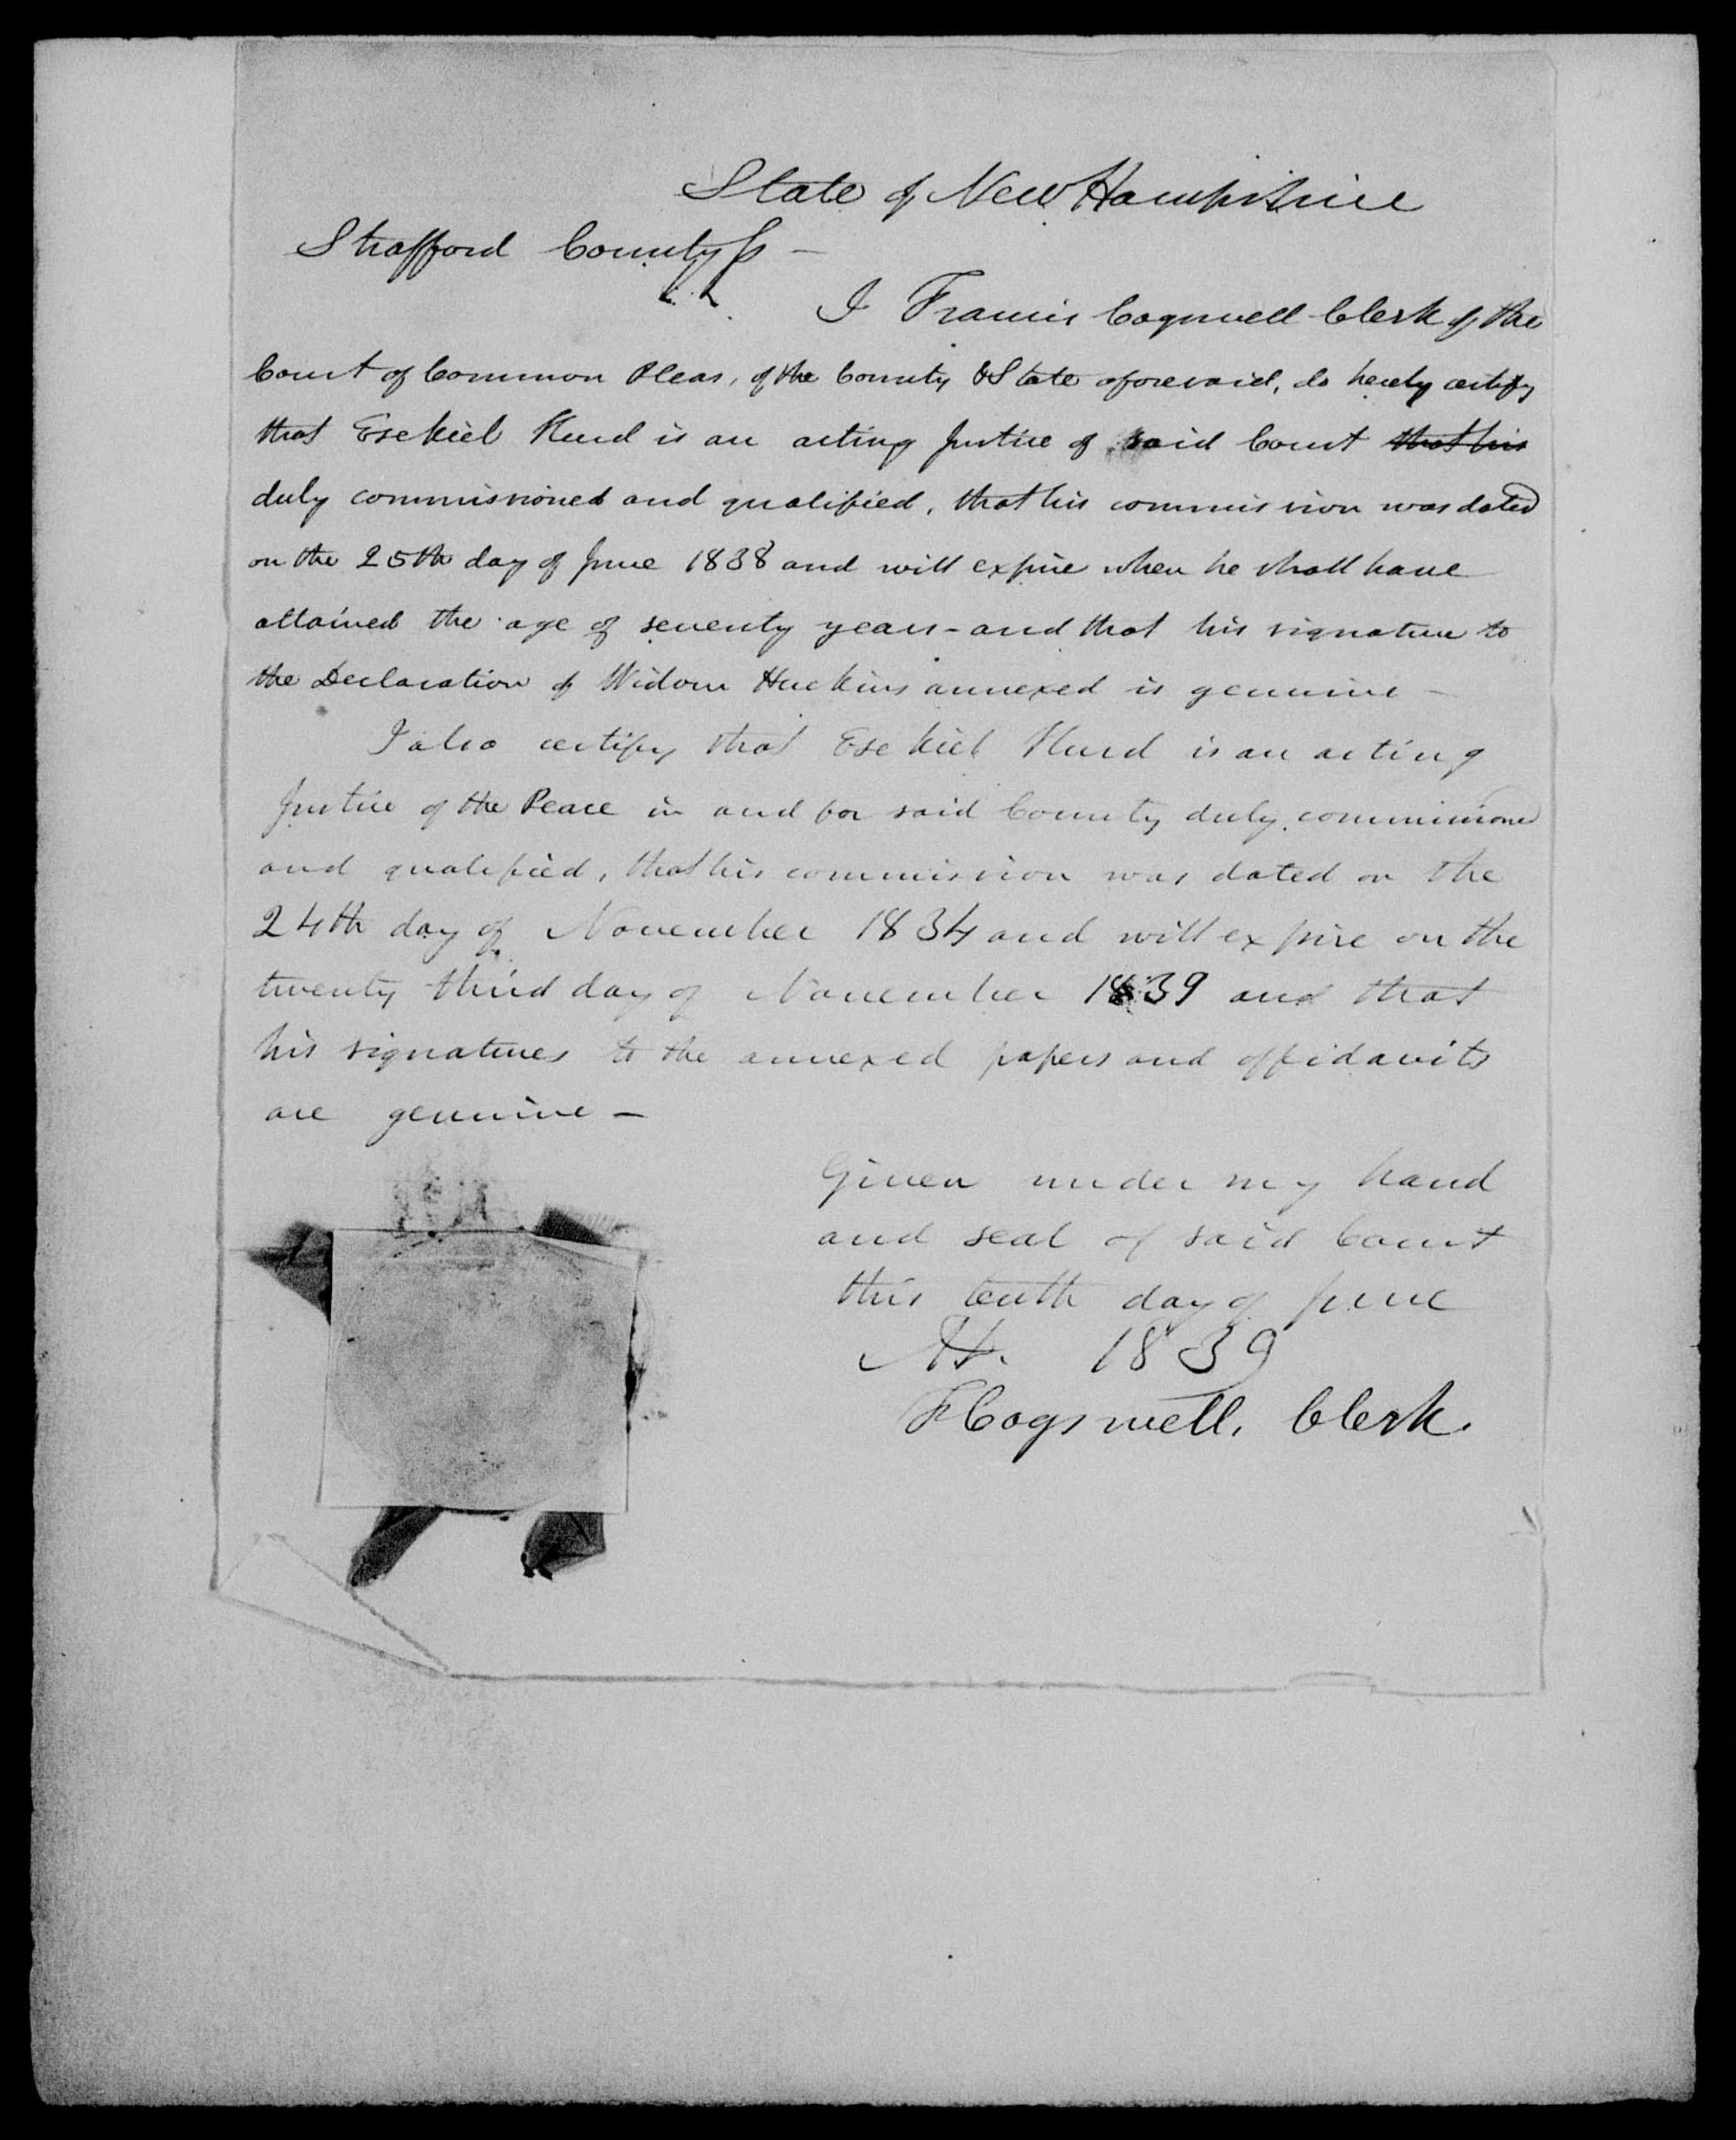State of New Hampshire
Strafford County
I, Francis Coggswell, Clerk of the court of Common Pleas of the county aforesaid, do hereby certify that Ezekiel Hurd is an acting Justice of said Court [that his--crossed out]
duly commissioned and qualified, that his commission was dated on th 25th day of June 1838 and will expire when he shall have attained the age of seventy years--and that his signature to the declaration of Widow Huckins annexed is genuine.
I also certify that Ezekiel Hurd is an acting Justice of the Peace in and for said County duly commissioned and qualified, that his commission was dated on the  24th day of November 1834 and will expire on the twenty third day of November 1839 and that his signature to annexed papers and affidavits are genuine--
Given under my hand and seal of said Court this tenth day of June AD 1839
F Cogswell, Clerk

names: Ezekiel Hurd, Huckins, Francis Cogswell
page: 4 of 35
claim: widow's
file: W. 16127, Israel Huckins, N.H.